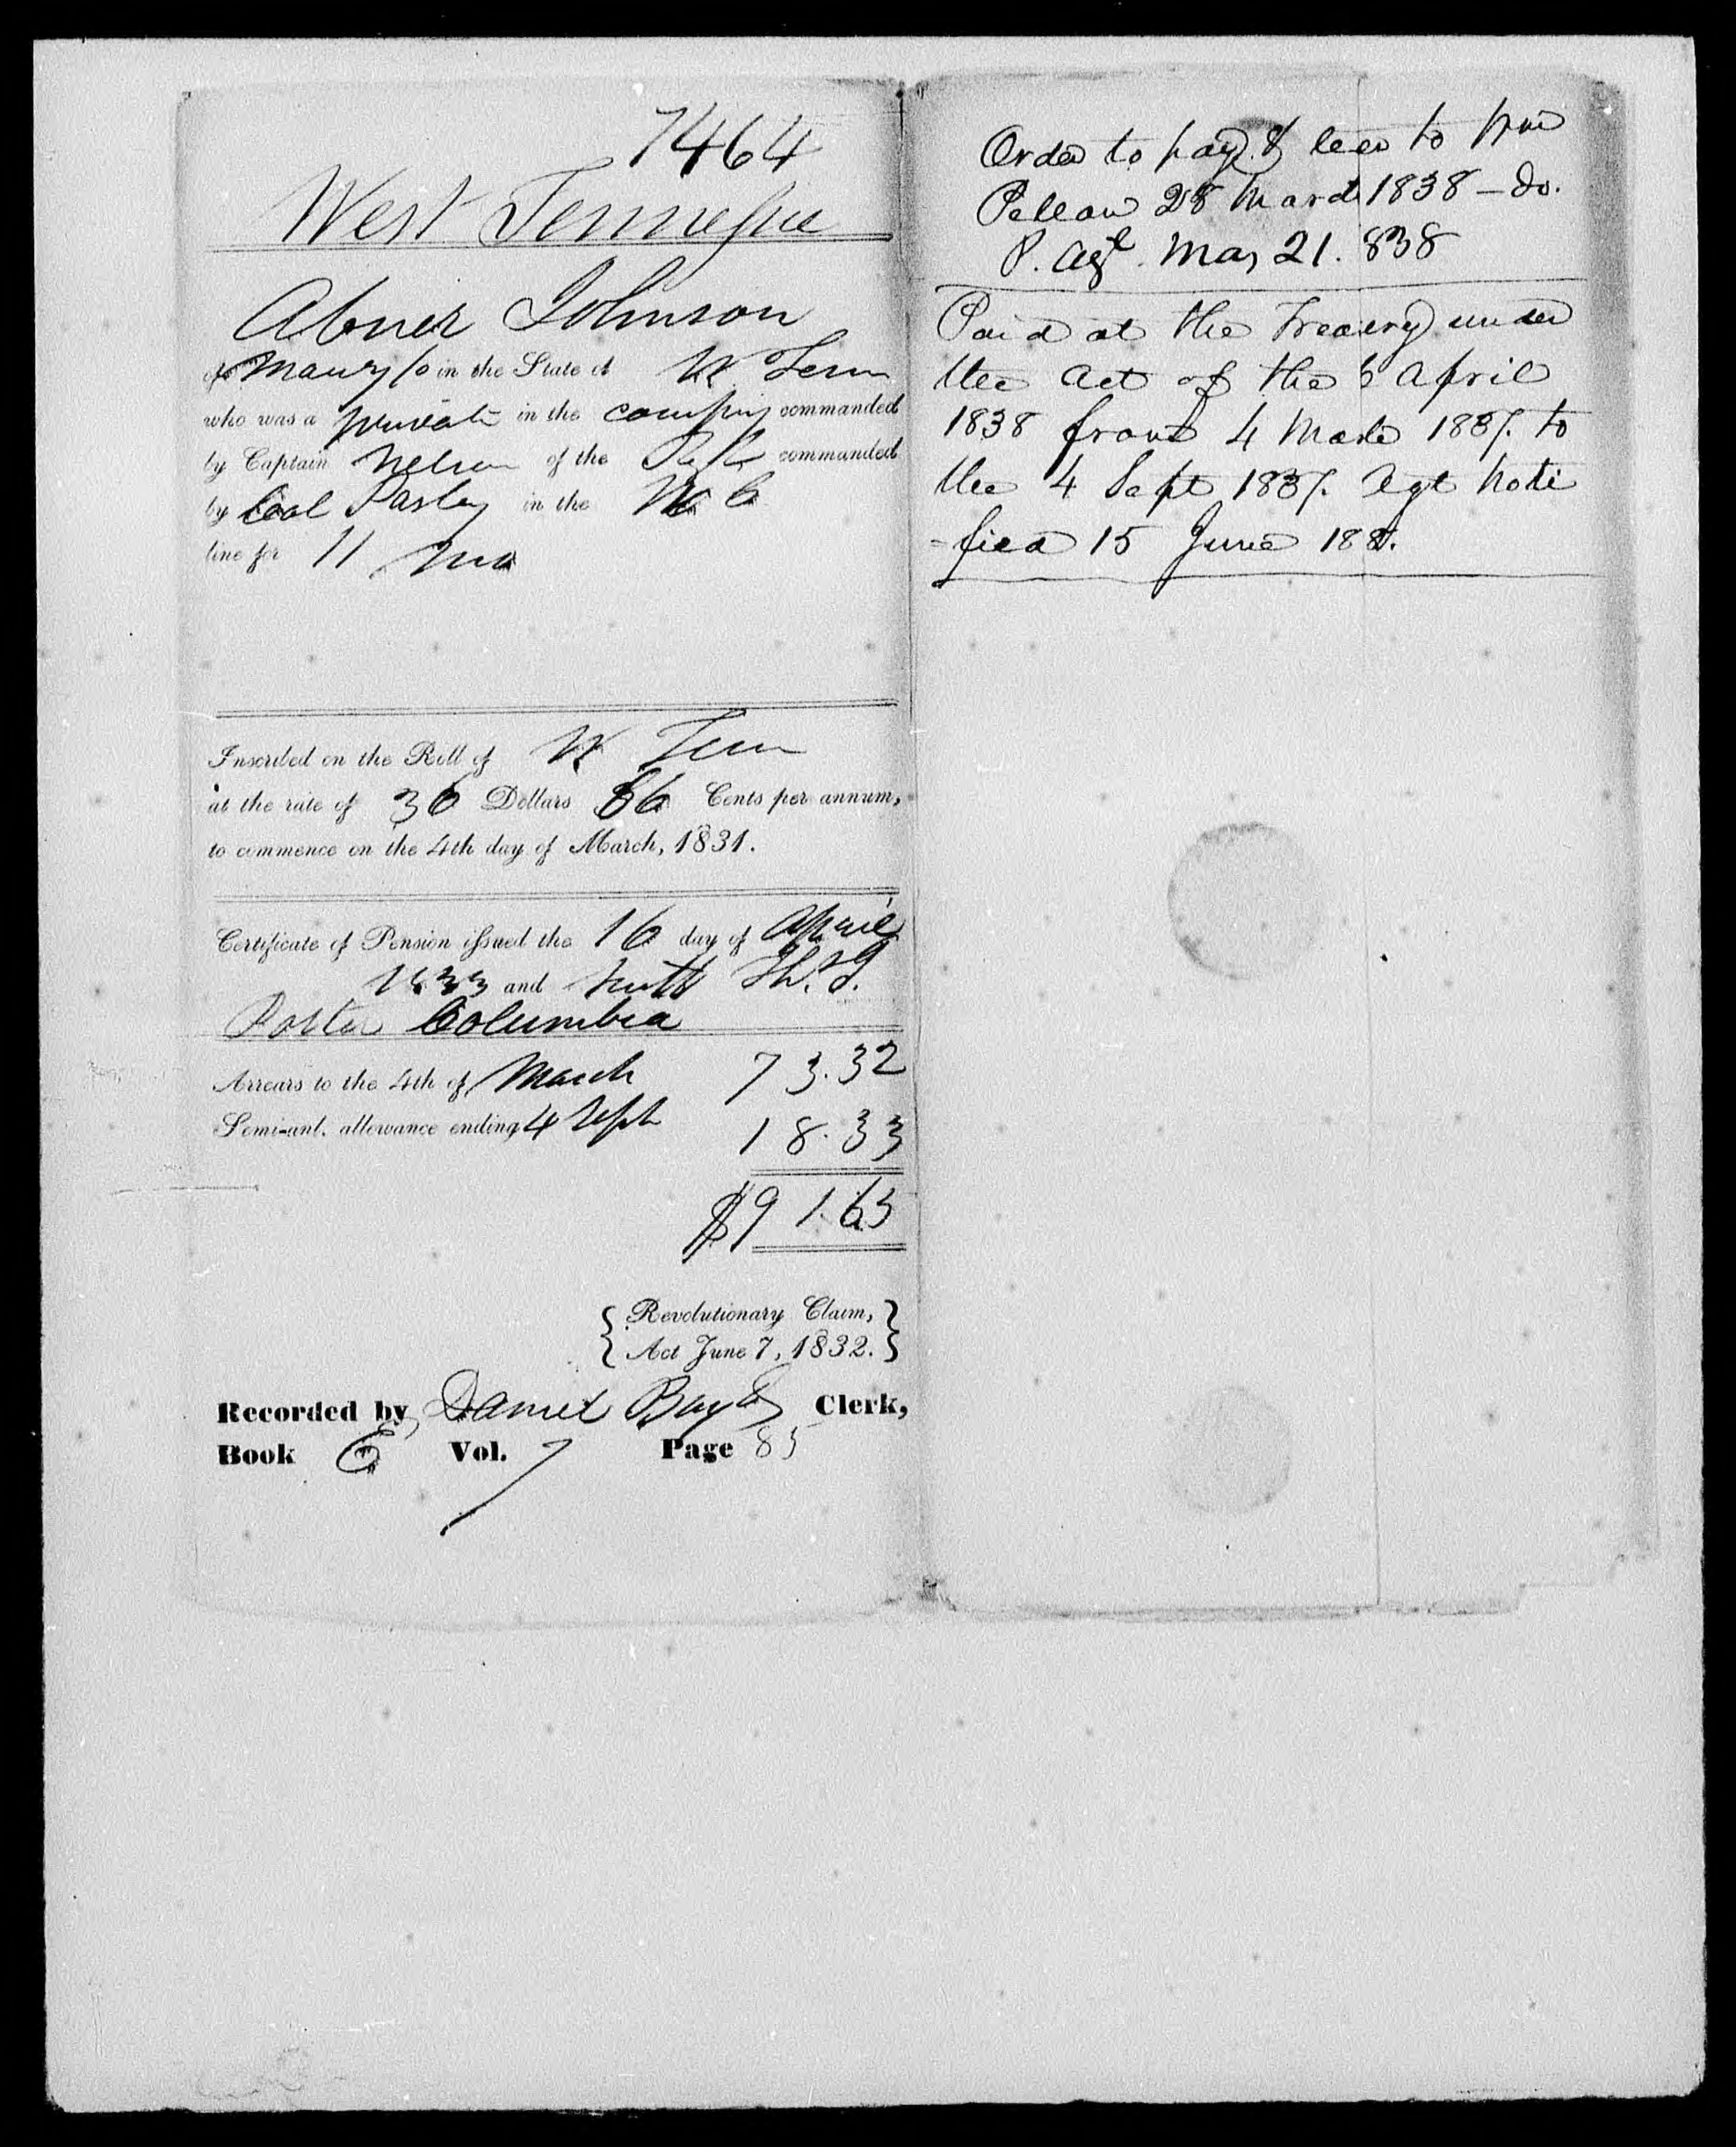(left panel)
7464
West Tennessee

Abner Johnson 
of Maury Co in the State of W. Tenn who was a private in the company commanded by Captain Nelson of the Regt commanded by Col Pasley in the N.C. line for 11 mo

Inscribed on the Roll of W. Tenn at the rate of 36 Dollars 66 Cents per annum, to commence on the 4th day of March, 1831.

Certificate of Pension issued the 16 day April 1833 and (illegible) Porter Columbia

Arrears to the 4th of March                 73.32
Semi-anl. allowance ending 4 Sept      18.33
                        $91.65

{Revolutionary Claim, Act June 7, 1832}
Recorded by Daniel Boyd Clerk,
Book E  Vol. 7 Page 85
---
(Right panel)
Order to pay & sent to Wm 
Peleau 28 Mar 1838-do.
P. Agt May 21. 1838
-
Paid at the Treasury under the act of the 6 April 1838 from 4 Mar 1831. to the 4 Sept 1831. Agt note filed 15 June 188

(seal)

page: 2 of 27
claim: rejected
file: R. 5649, for Abner Johnson, North Carolina